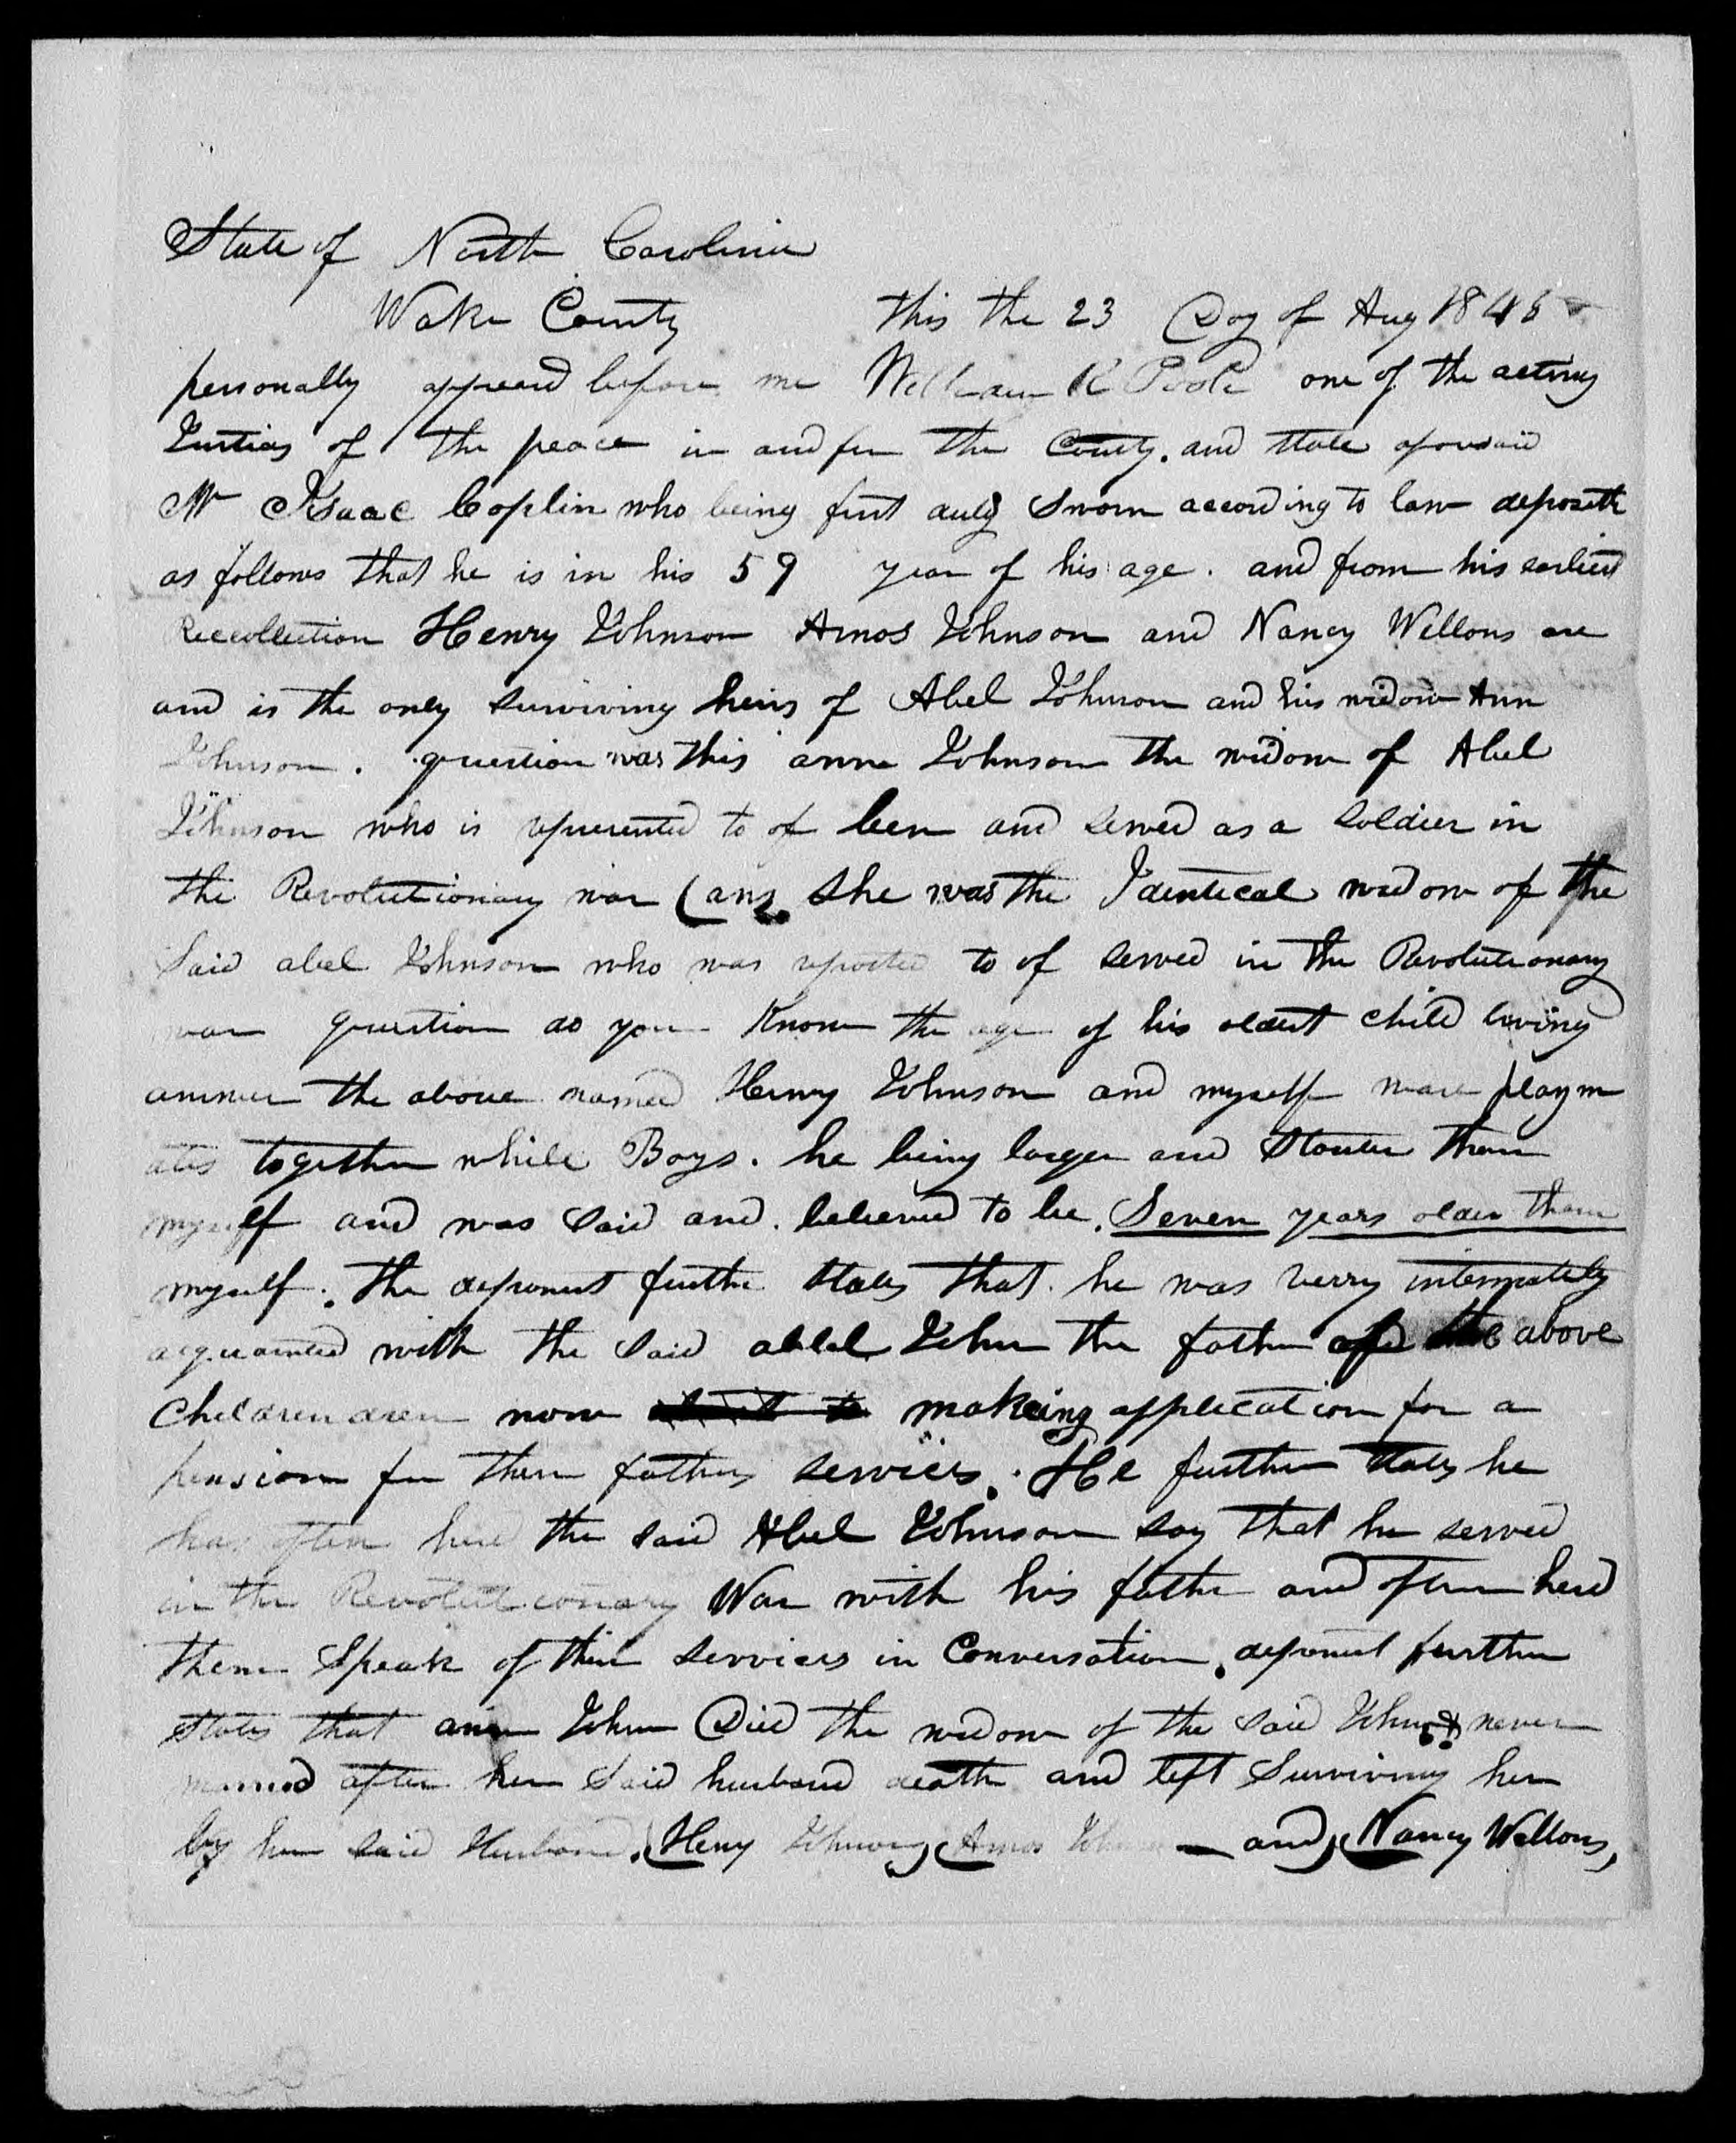State of North Carolina Wake County 
This the 23rd day of August 1848 personally appeared before me, William R. Poole, one of the acting Justices of the Peace in and forth the County and State aforesaid, Mr. Isaac Coplin who being first duly sworn according to law deposeth as follows that he is in his 59 year of his age. And from his earliest recollection Henry Johnson, Amos Johnson, and Nancy Wellons are the only surviving heirs of Abel Johnson and his widow Ann Johnson. Question was this Ann Johnson the widow of Abel Johnson who is represented to of been and served as a soldier in the Revolutionary War (answer she was the identical widow of the said Abel Johnson who was reported to have served in the Revolutionary War. Question as you know the age of the oldest child living. Answer the above named Henry Johnson and myself were play mates together while boys. He being larger and stouter than myself and was said and believed to be seven years older than myself. The deponent further states that he was very intimately acquainted with the said Abel Johnson the father of the above children now making application for a pension for their father’s services. He further states he has heard him the said Abel Johnson say that he served in the Revolutionary War with his father and often heard them speak of their services in conversation. Deponent further states that Ann Johnson died the widow of the said Abel Johnson never married after her said husband’s death and left surviving heirs by her said Husband Henry Johnson, Amos Johnson, and Nancy Johnson Wellons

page: 23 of 74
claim: rejected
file: R. 5600, for Abel Johnson, North Carolina